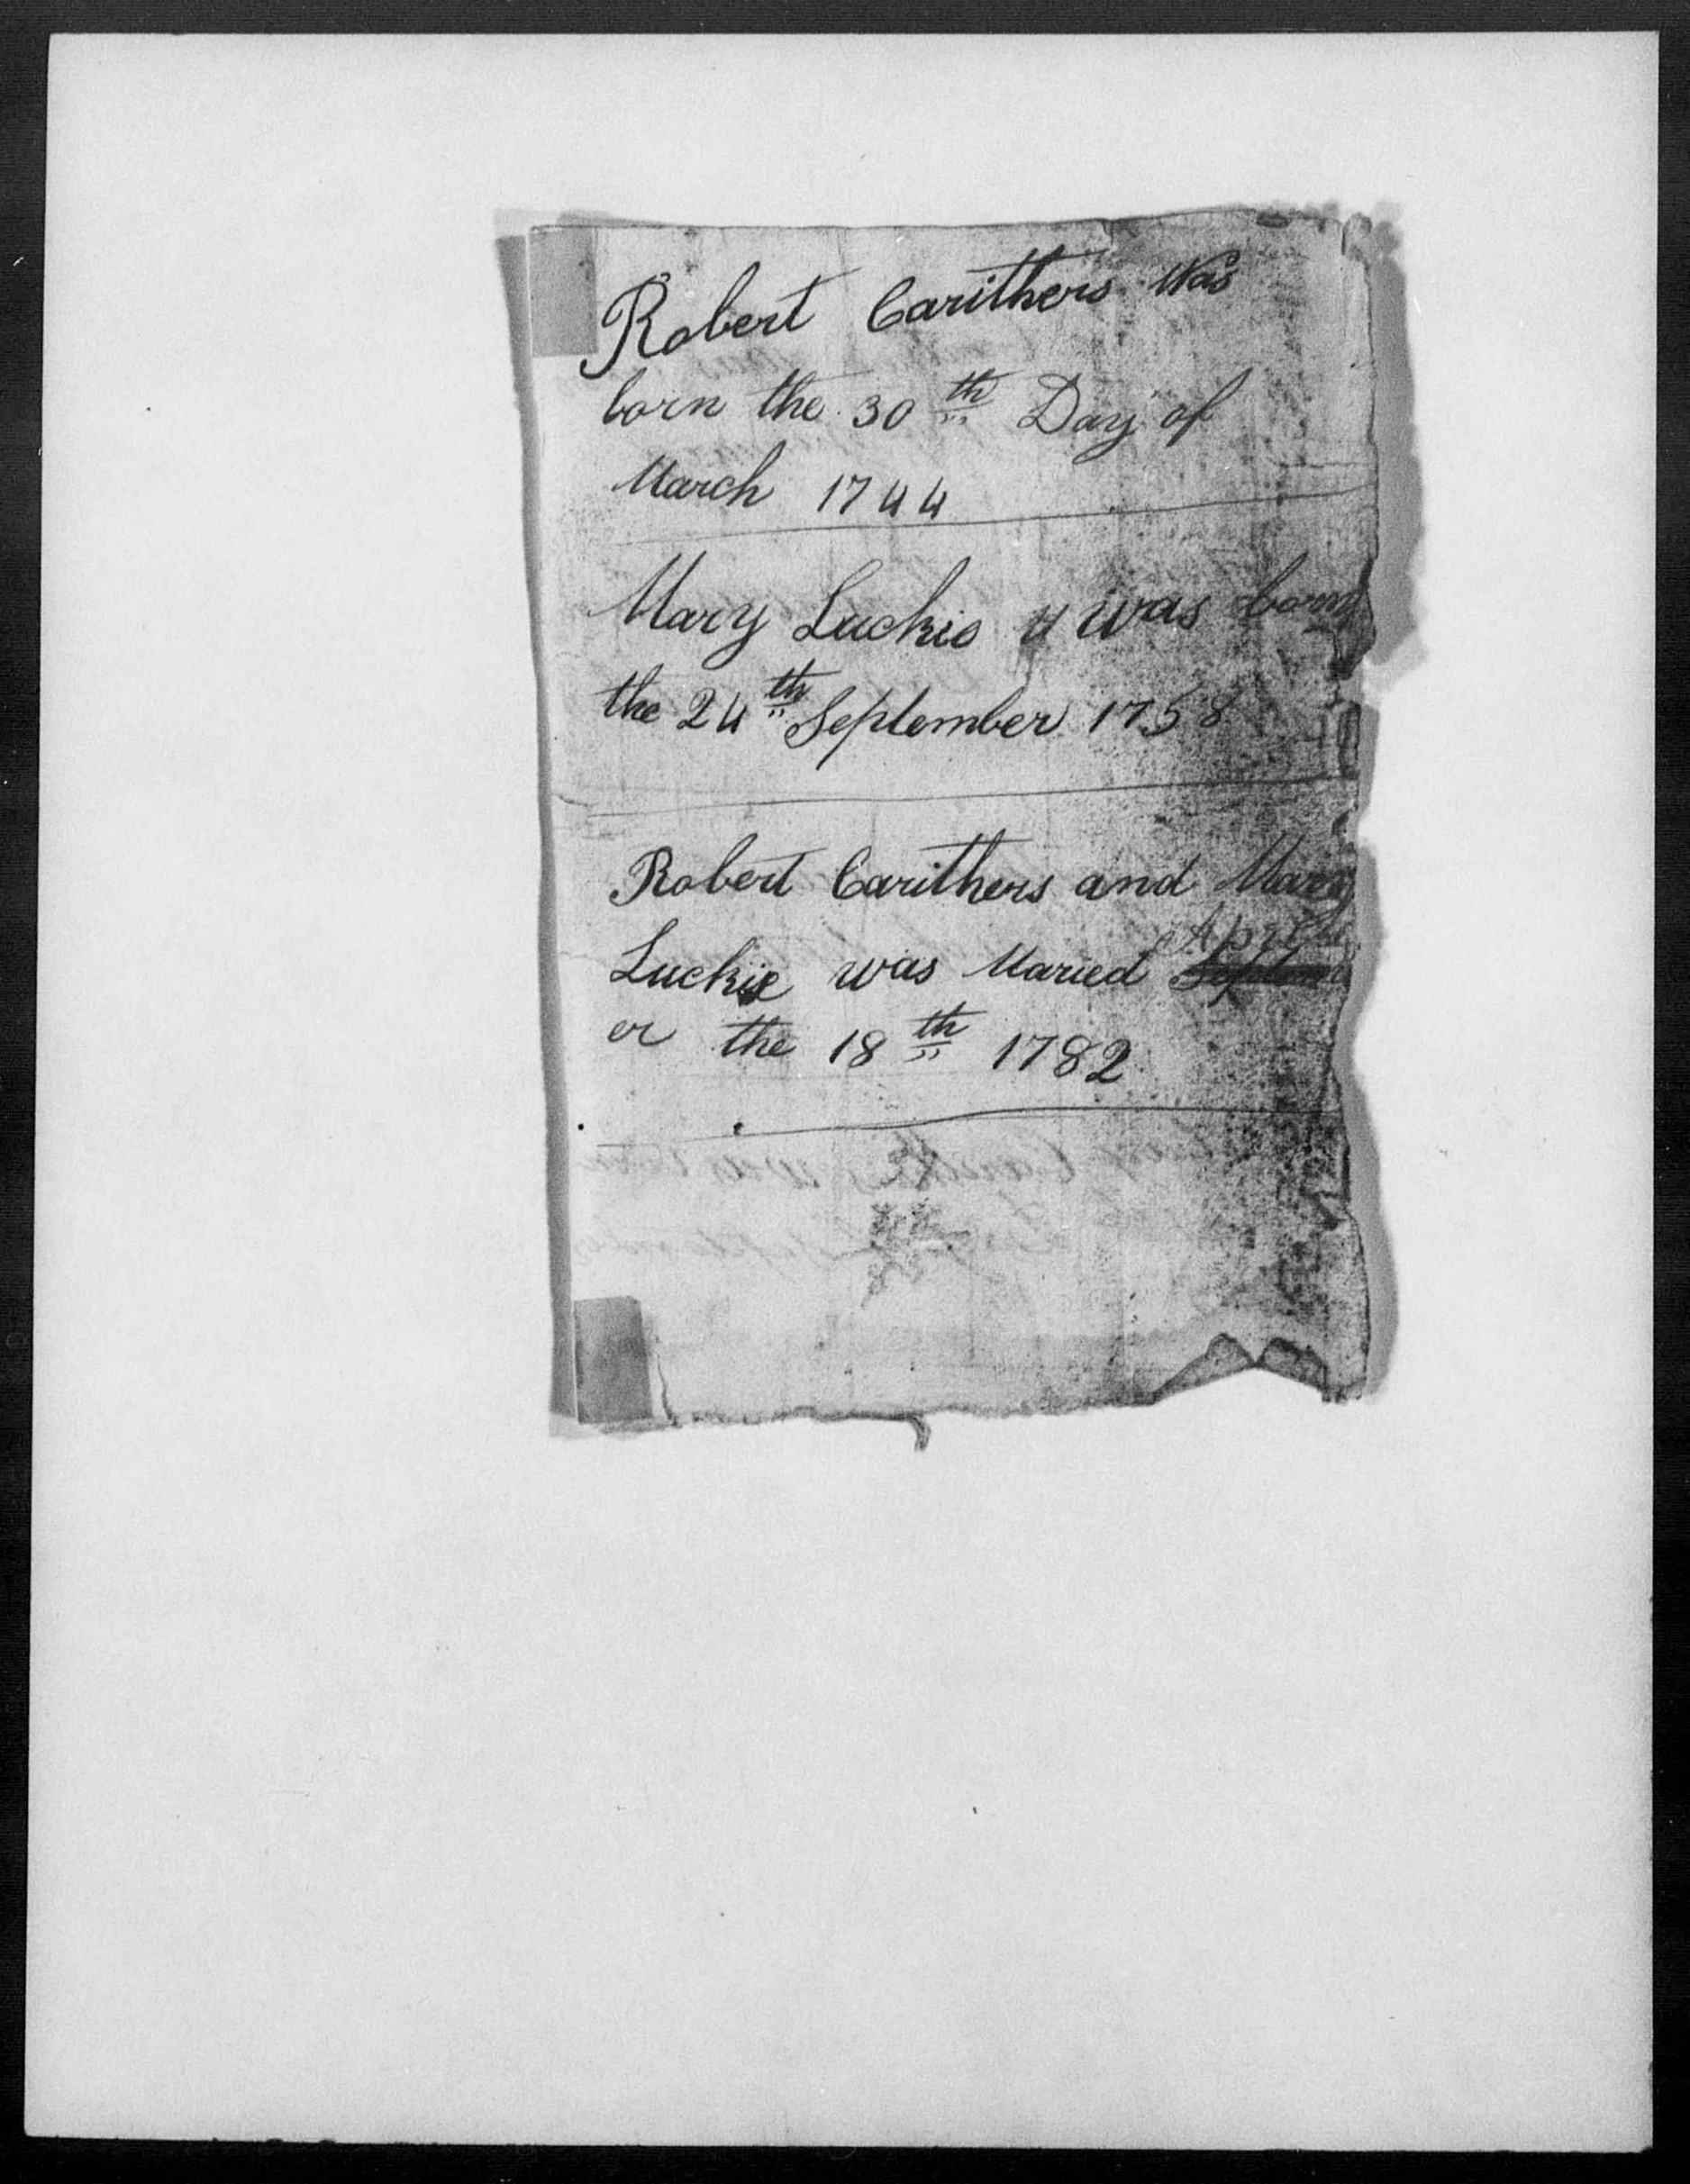Robert Carithers was born the 30th Day of March 1744

Mary Luckie was born the 24th September 1758

Robert Carithers and Mary Luckie was Married April er the 18th 1782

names: Mary Luckie, Robert Carithers, Mary Luckie, Robert Carithers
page: 13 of 33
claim: widow's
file: W. 23779, Robert Carithers, S.C.